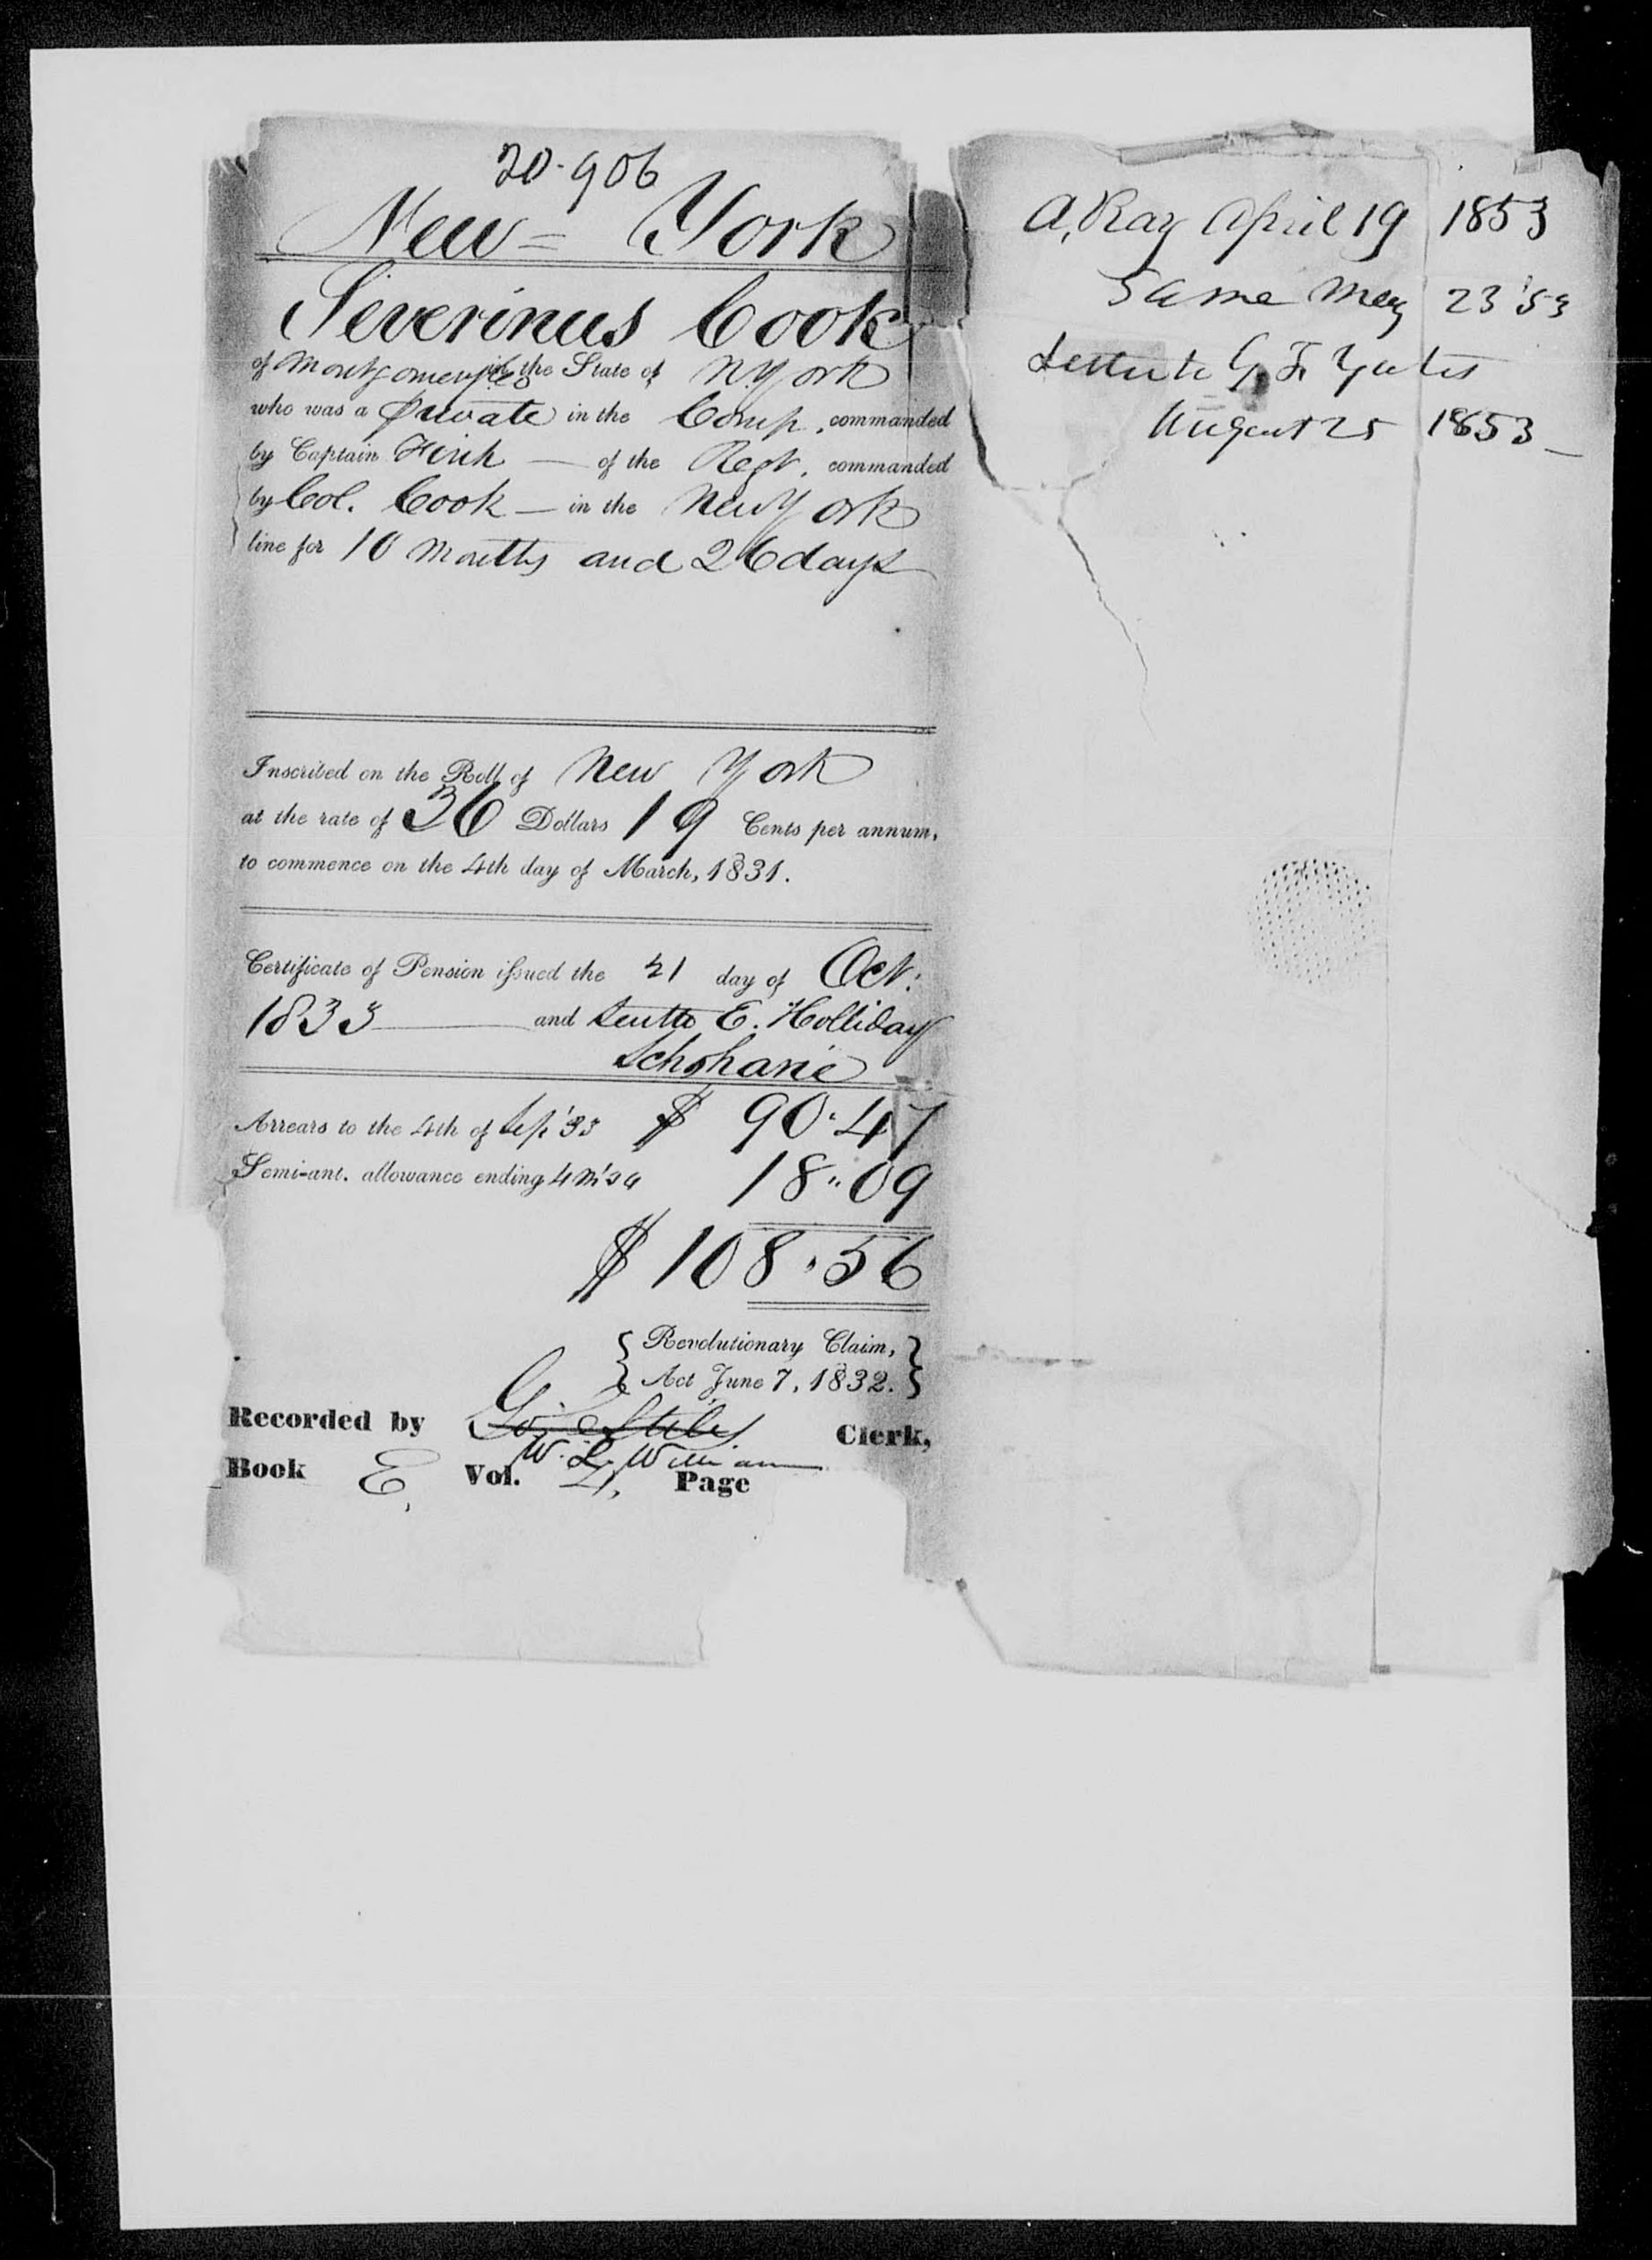20.906
New-York
Severinus Cook of Montgomery Co. in the State of N. York who was a private in the Comp. commanded by Captain Fink of the Regt. commanded by Col. Cook in the New York line for 10 months and 26 days.

Inscribed on the Roll of New York at the rate of 36 Dollars 19 Cents per annum, to commence on the 4th day of March, 1831.

Certificate of Pension issued the 21 day of Oct: 1833 and sent to E. Holliday
Schoharie

Arrears to the 4th of Sep. '33 $90.47
Semi-anl. allowance ending 4 M '34 $18.09
$108.56

{Revolutionary Claim, Act June 7, 1832}

Recorded by W.L. Williams, Clerk
Book E, Vol. 4, Page [illegible]

A. Ray April 19 1853
Same May 23 '53
Letter G. F. Yates
August 25 1853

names: Severinus Cook, Go C Steles, W L Williams, Fink, Cook, E Holliday, G F Yates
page: 2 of 51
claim: survivor's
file: S. 12563, Severinus Cook, New York